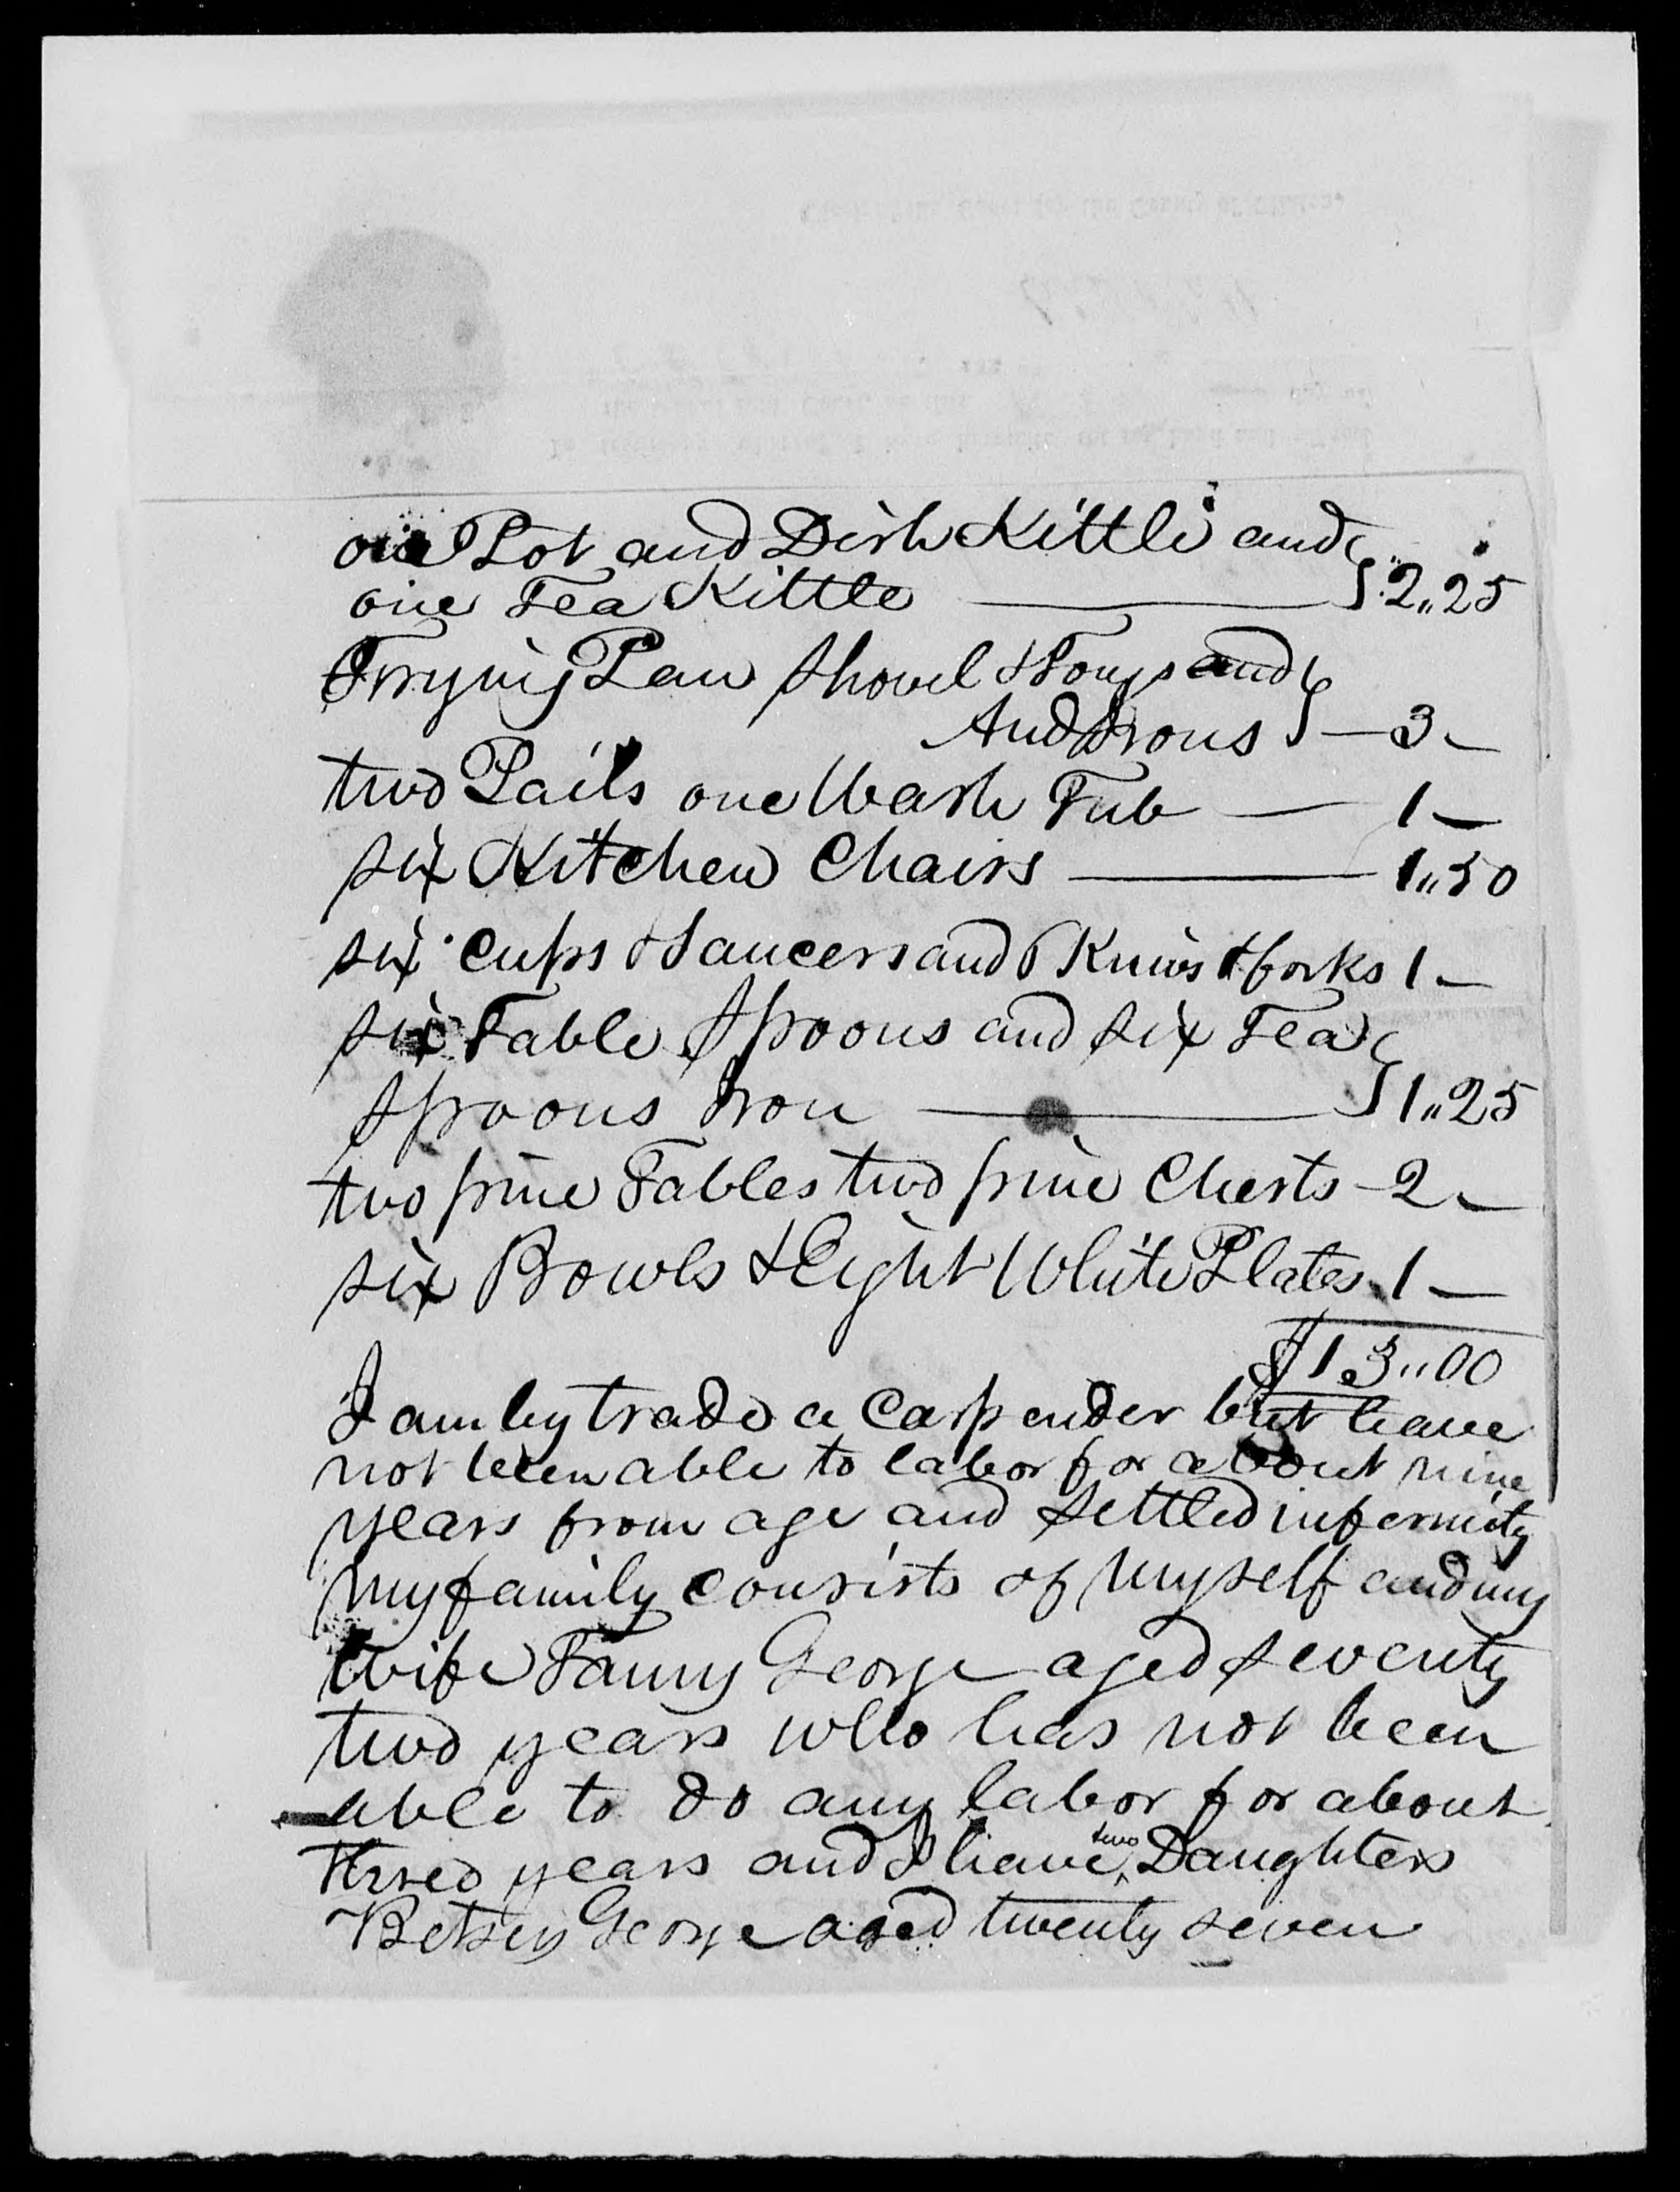one Pot and Dish Kittle and
one Tea Kittle --.2,25
Frying Pan Shovel & tongs and
Andirons  --3--
two Pails one wash tub --1--
six Kitchen Chairs  --1,50
six cups & Saucers and knives & forks 1 -
six table Spoons and six Tea  Spoons Iron --1.25
two pine tables two pine chests  --2--
six Bowls & Eight White Plates 1 -

(sum) $13.00
I am by trade a Carpenter but
not been able to labor for about nine
years from age and settled infirmity
my family consists of myself and my
wife Fanny George aged seventy
two years will has not been
able to do any labor for about
three years and I have two Daughters
Betsey George aged twenty seven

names: Betsey George, Famy George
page: 7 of 18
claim: survivor's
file: S. 39568, David George, N.H.